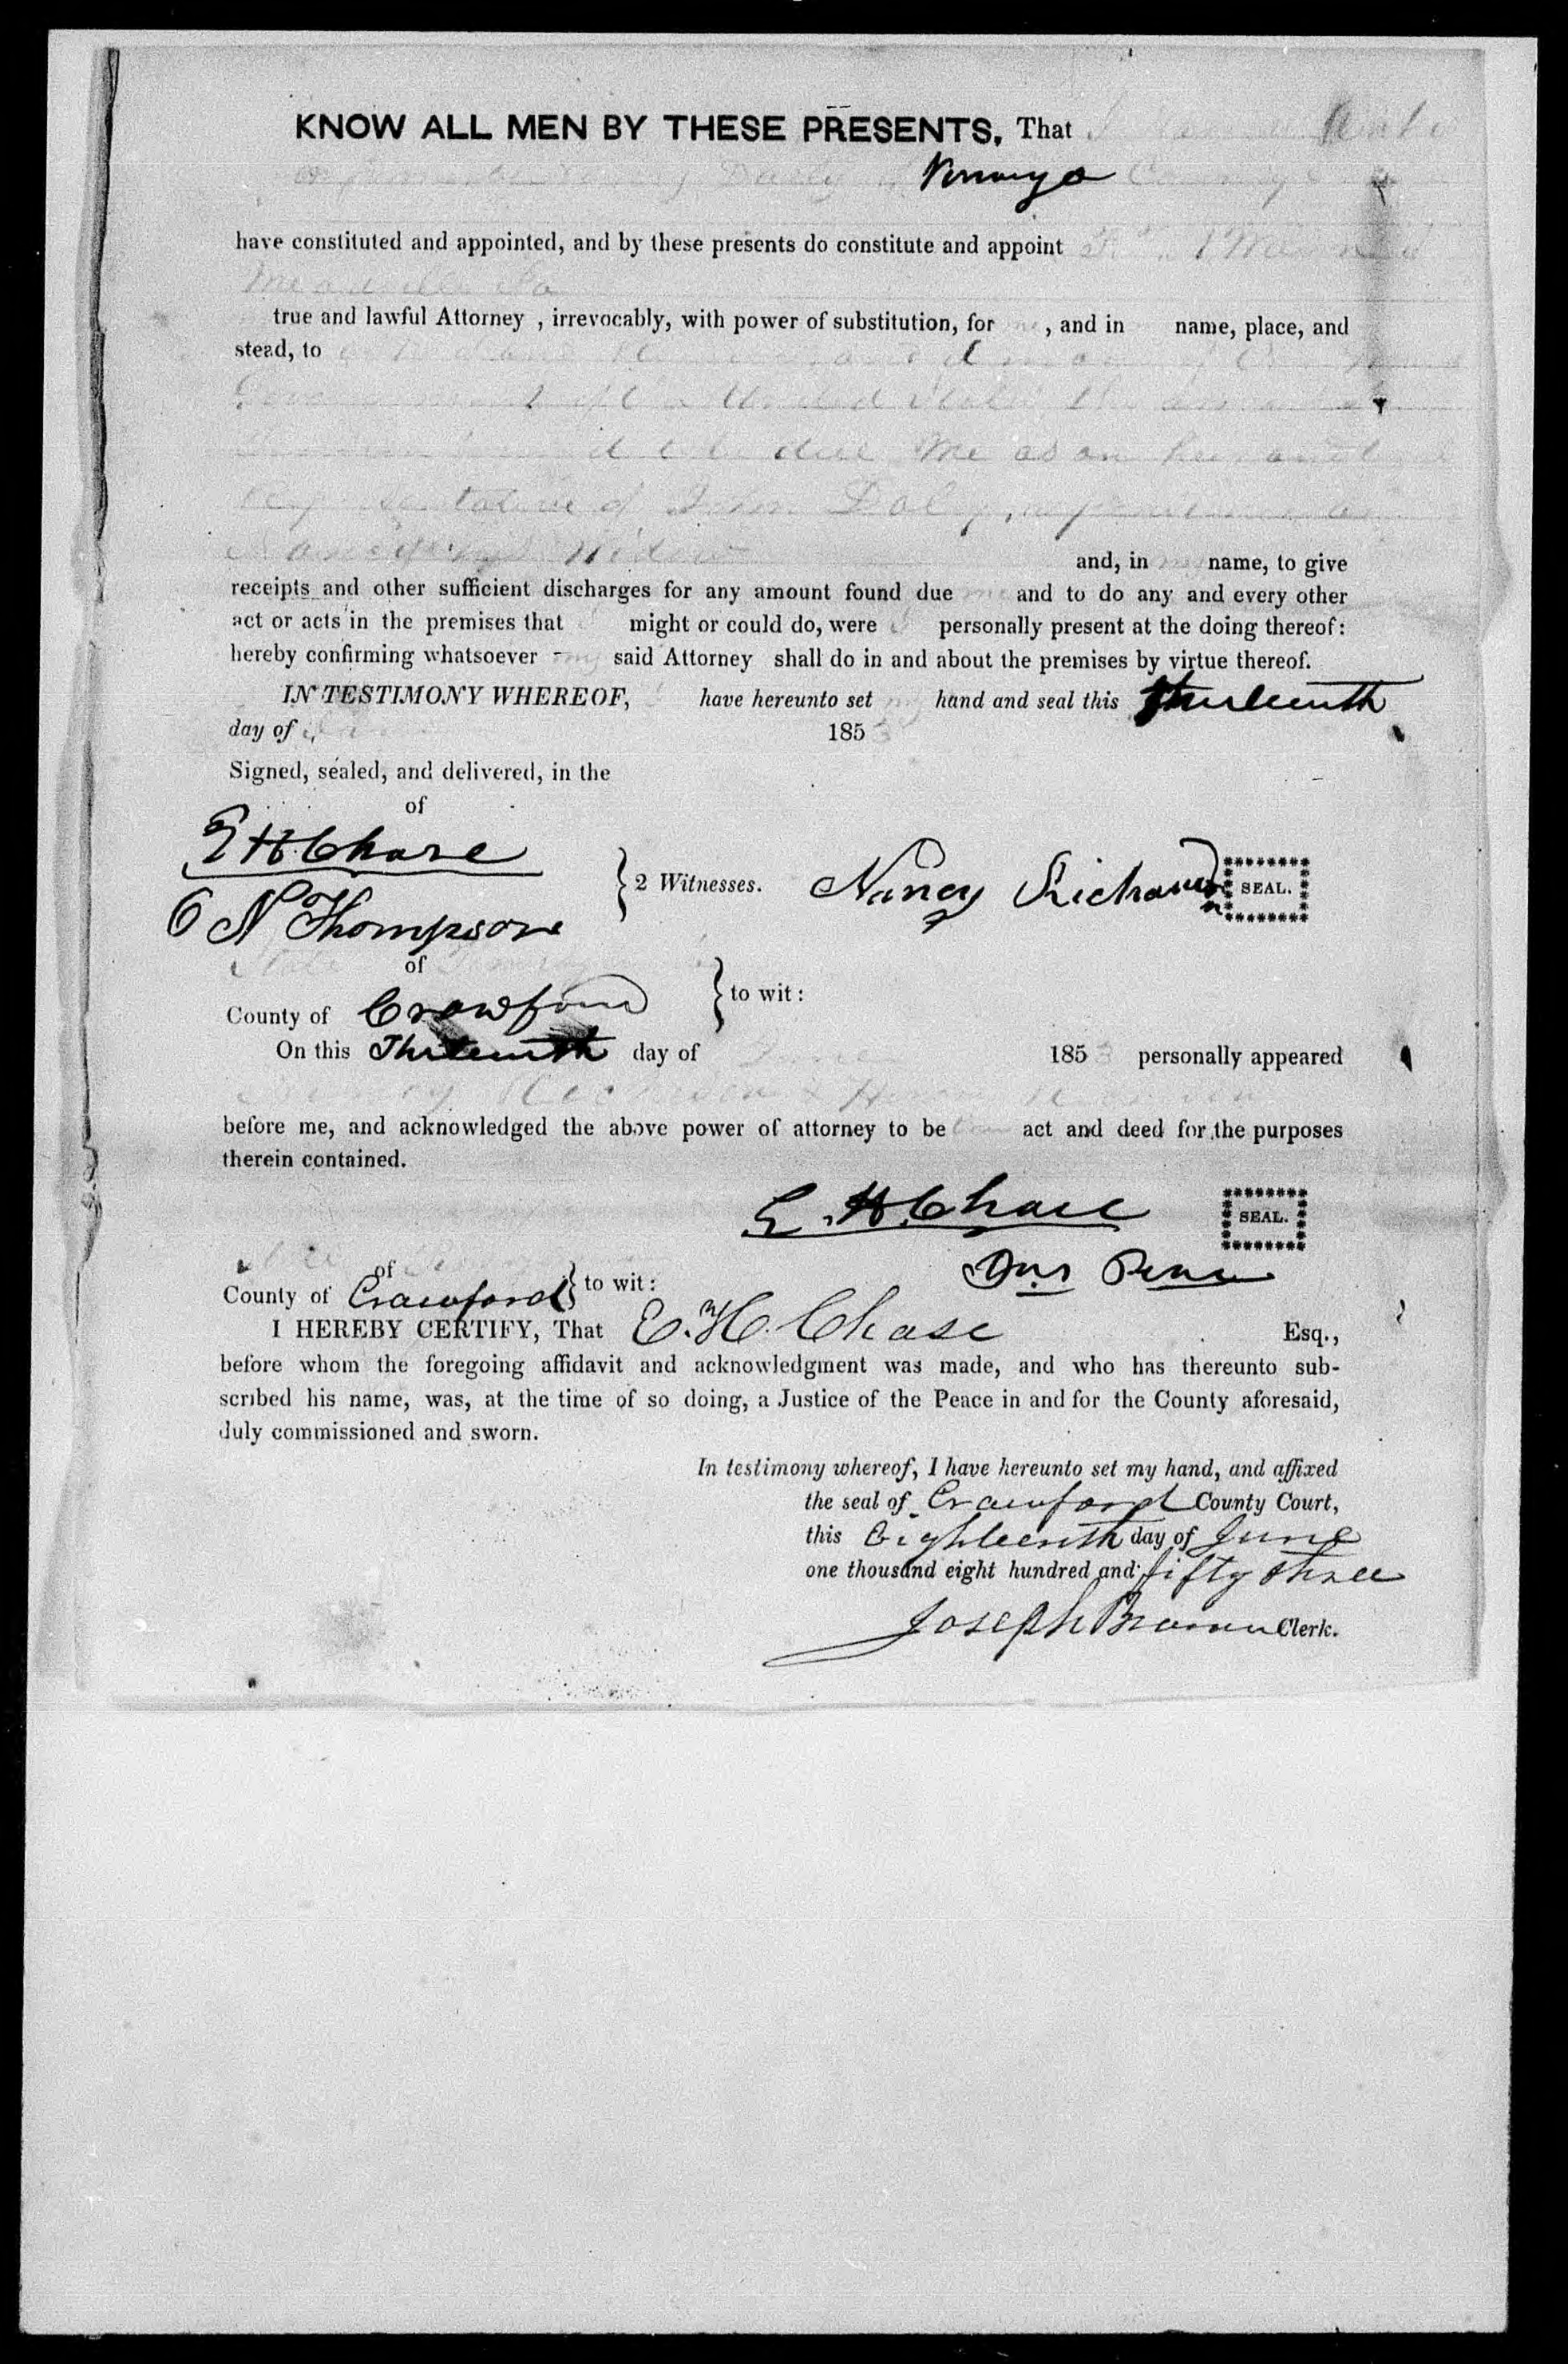[A mix of typeset and handwriting, the latter being very faint in places] 

KNOW ALL MEN BY THESE PRESENTS, That I [illegible] John Daly of Venango County [illegible] have constituted and appointed, and by these presents do constitute and appoint F. [illegible initial and last name] my true and lawful Attorney, irrevocably, with power of substitution, for me and in my name, place, and stead, to [faded, illegible handwriting] Give [illegible] and if the [illegible] it [illegible] me as an [illegible] until [illegible] of John Daly, [illegible] Widow and, in my name, to give receipts and other sufficient discharges for any amount found due me and to do any and every other act or acts in the premises that I might or could do, were I personally present at the doing thereof:

hereby confirming whatsoever my said Attorney shall do in and about the premises by virtue thereof.

IN TESTIMONY WHEREOF, I have hereunto set my hand and seal this thirteenth day of June 1853

Signed, sealed, and delivered, in the [illegible] of [illegible] 

E H Chase  }  2 Witnesses  Nancy Richard  SEAL
C N Thompson } 

County of Crawford  } to wit:

On this Thirteenth day of June 1853 personally appeared Nancy Ricards and F. Henry [illegible] 
before me, and acknowledged the above power of attorney to be their act and deed for the purposes therein contained.

E.H. Chase     SEAL
[Illegible signature]

County of Crawford  } to wit:

I HEREBY CERTIFY, That E. H. Chase Esq., before whom the foregoing affidavit and acknowledgment was made, and who has thereunto subscribed his name, was, at the time of so doing, a Justice of the Peace in and for the County aforesaid, duly commissioned and sworn.

In testimony whereof, I have hereunto set my hand, and affixed the seal of Crawford County Court, this Eighteenth day of June one thousand eight hundred and fifty three 
Joseph Brain Clerk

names: Nancy Daily, O N Thompson, John Daley, Rockeson, Joseph Brown, E H Chase, F F A Wilson, Nancy Richards, E H Chase, Henry Rockeson, E H Chase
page: 40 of 63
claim: widow's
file: W. 3228, John Daly, Penn.